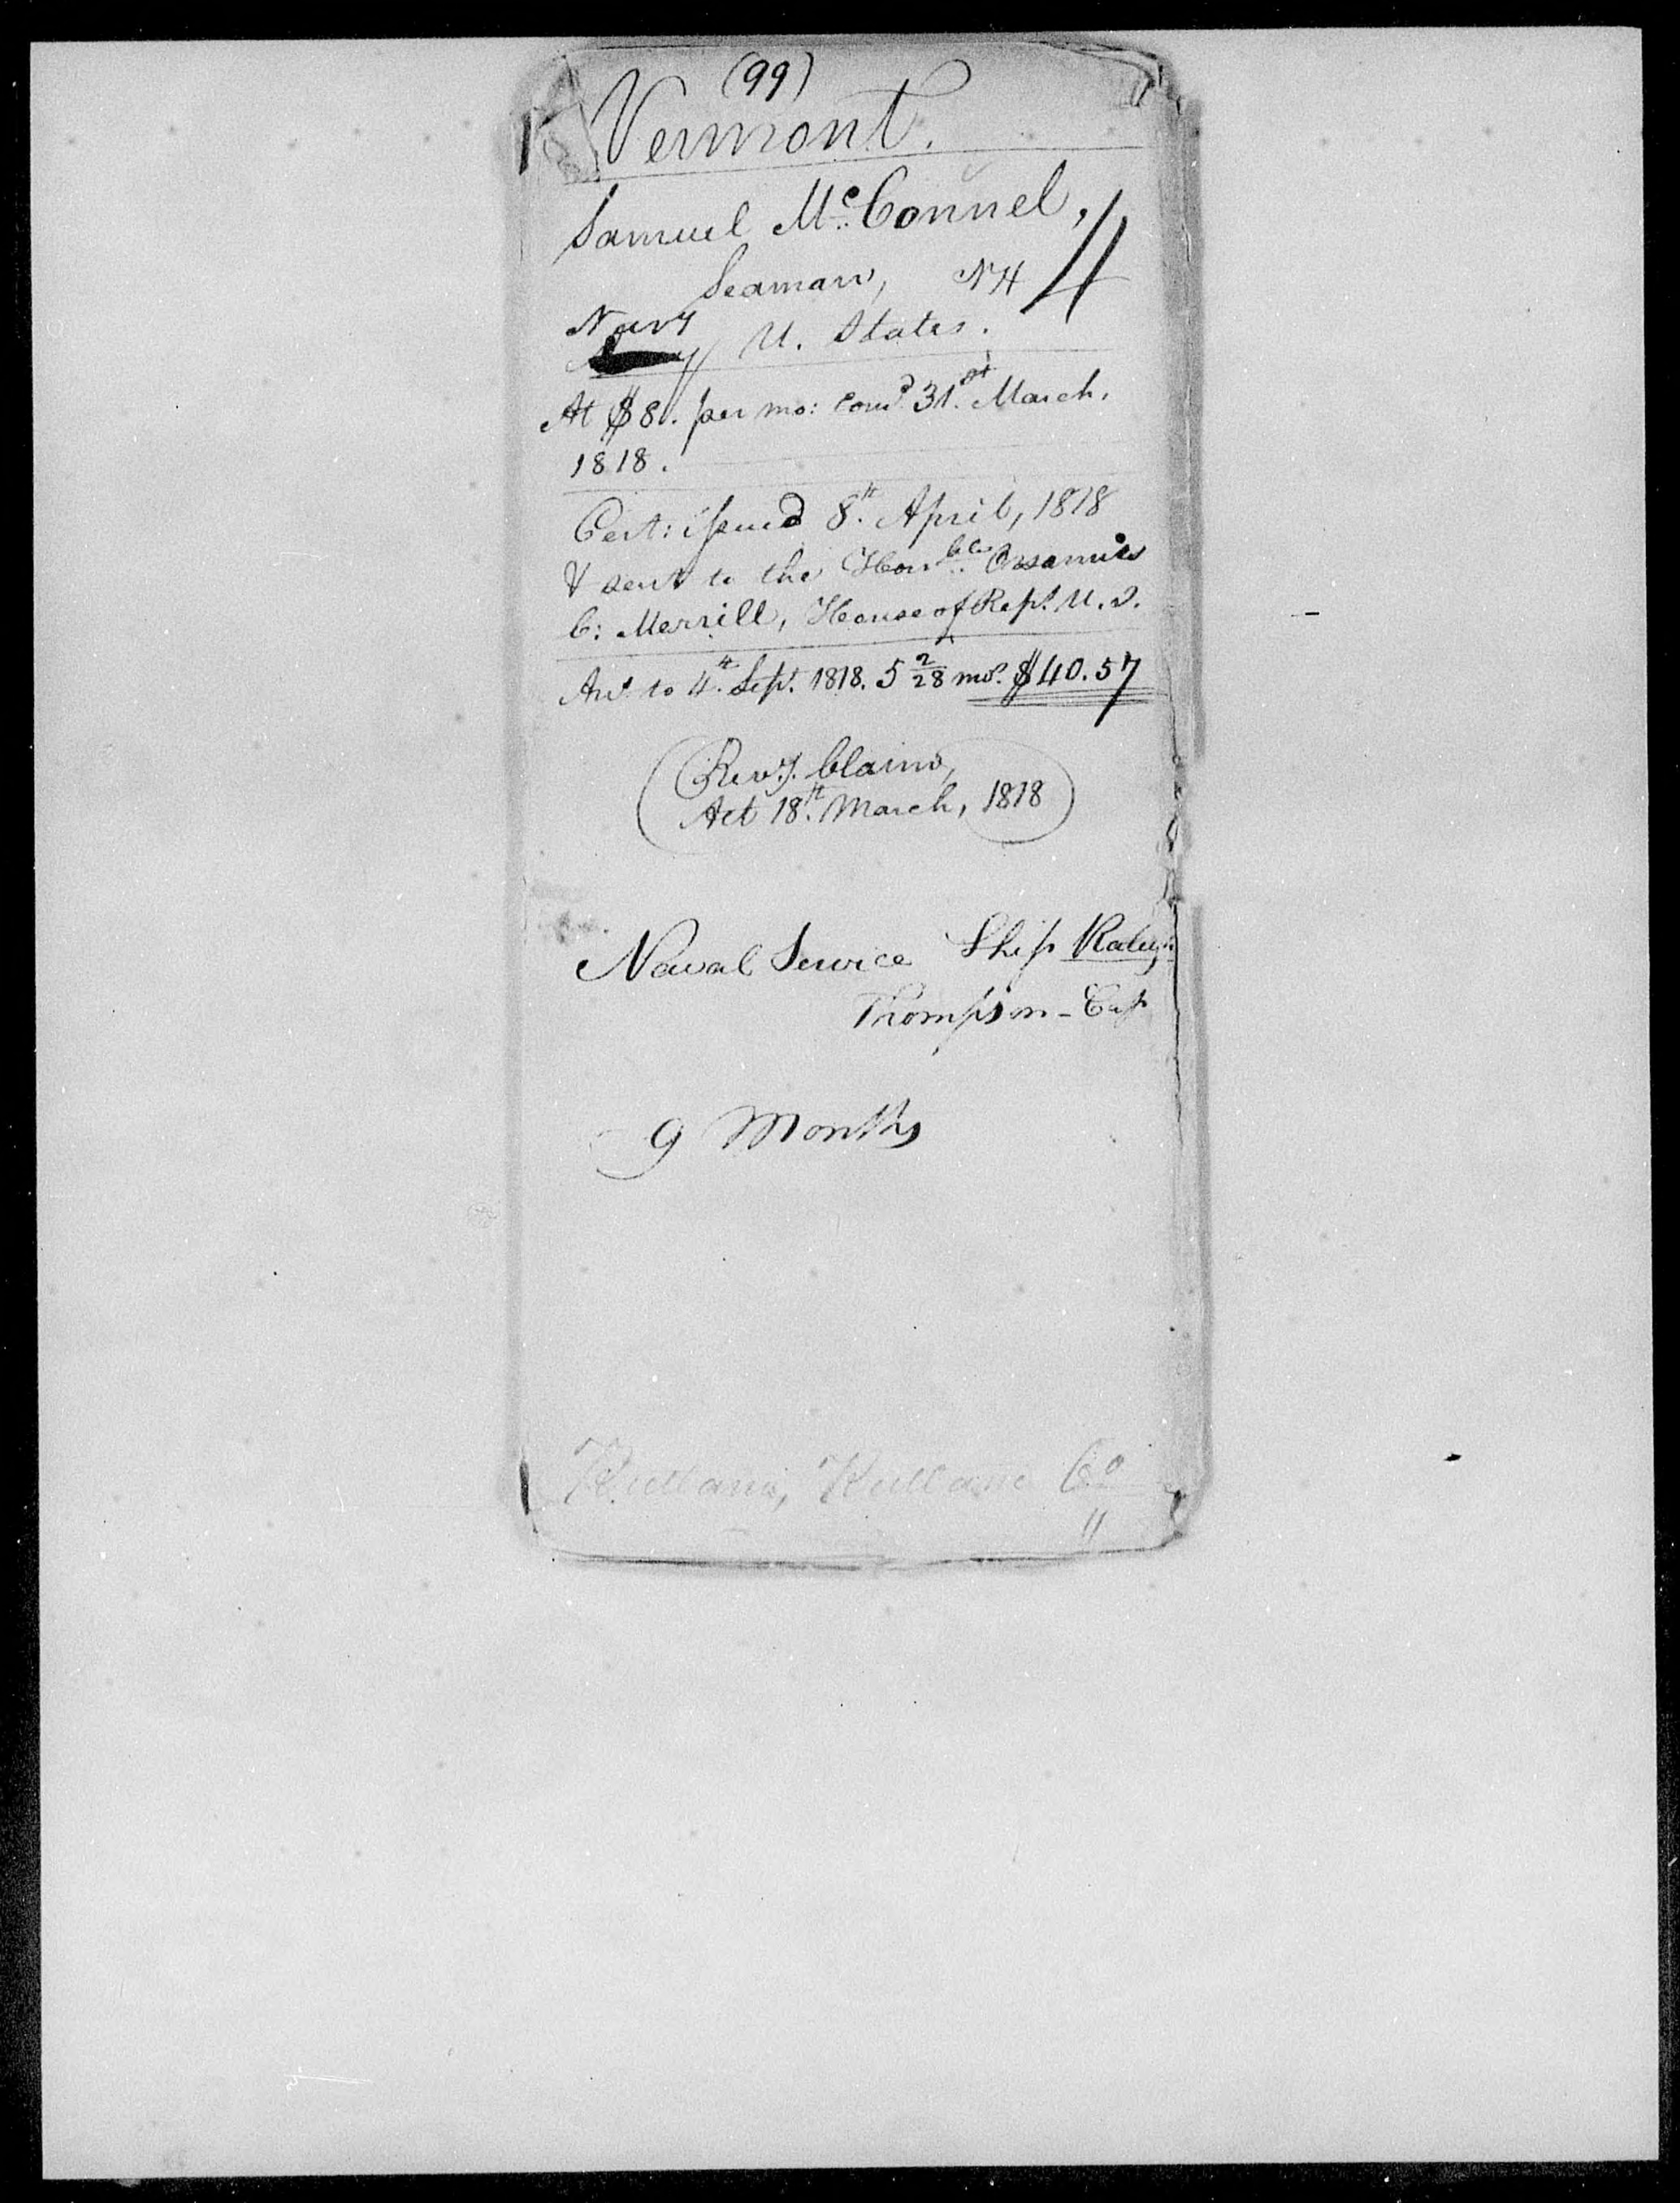99
Vermont
1


Samuel McConnel
Navy Seaman,
NH
U. States
At $80. per mo: Comr 31 March
1818.
Participated 8th April, 1818
& sent to the Hon Orsamies
C. Merrill, House of Rep. U.S.
-
And to 4th Sept 1818. 5 mo. $40.57
Revd Claim,
Act 18th March, 1818
Naval Service
Ship Raley
Thompson Cap
9 months
Rutland Kullan Co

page: 2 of 18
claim: survivor's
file: S. 41,827, for Samuel Mc Connel, Vermont